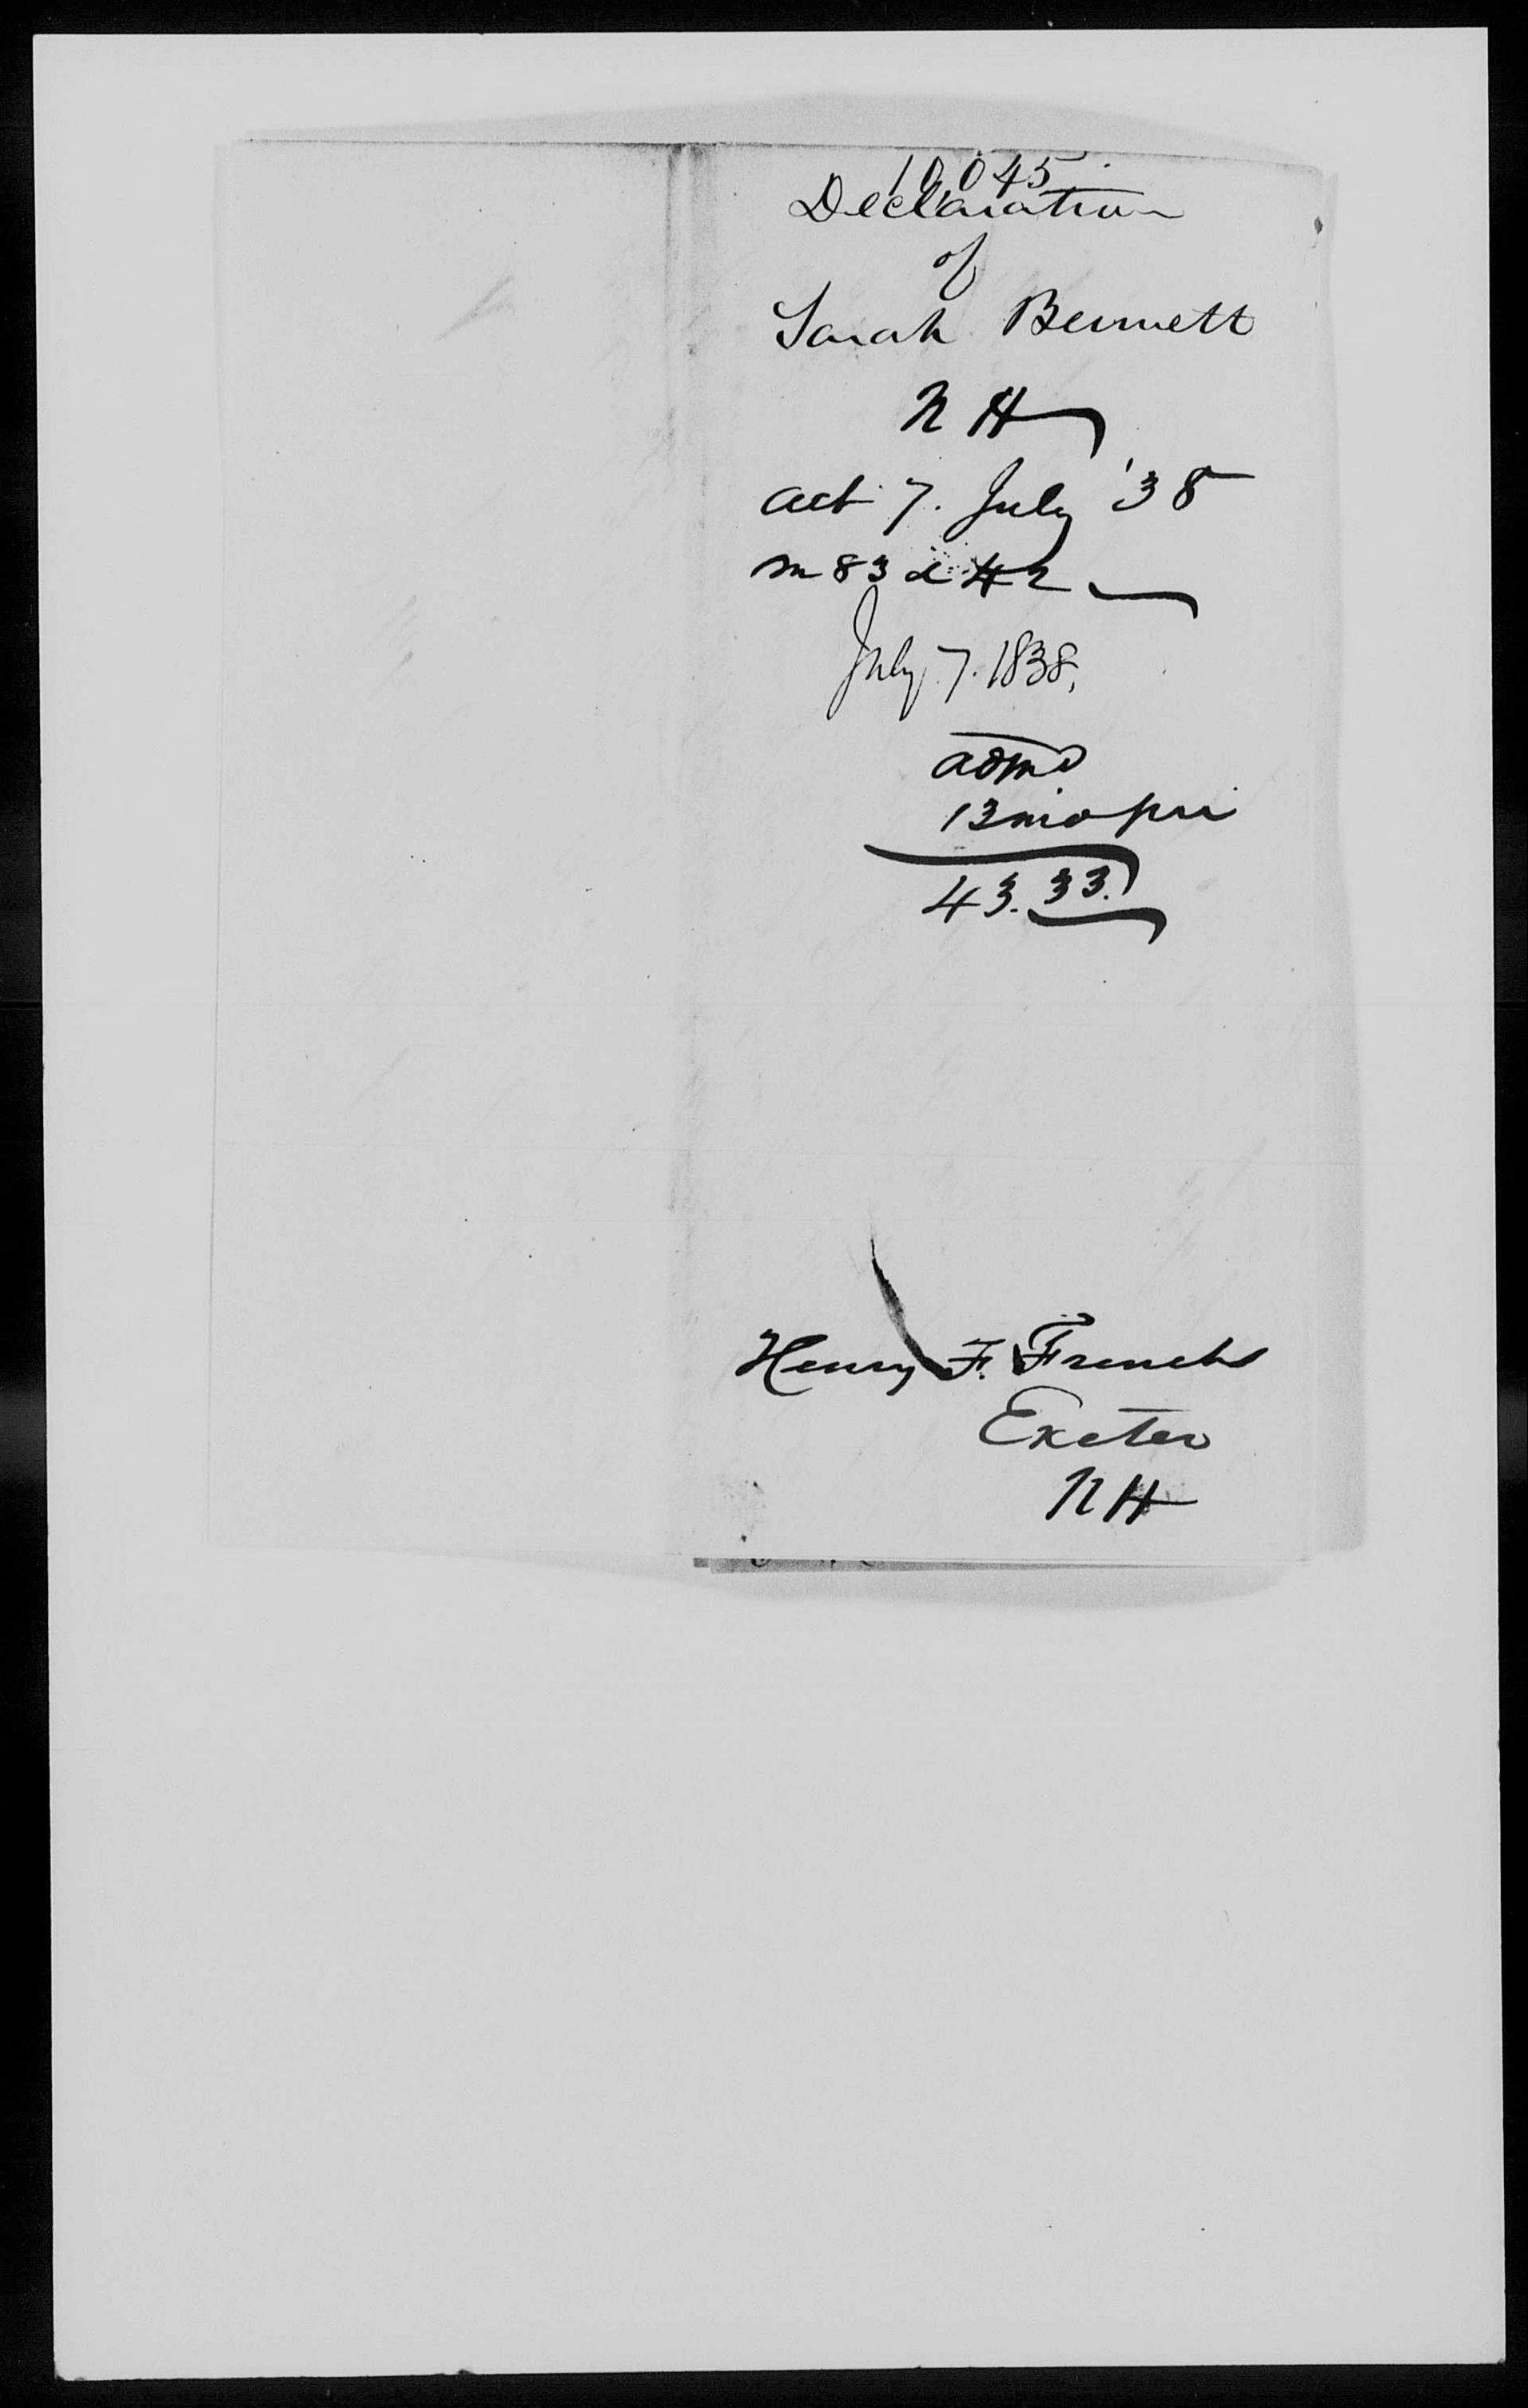100465
Declaration
of
Sarah Bennett
N H
Act 7. July '38
m 83 d 42 -
July 7 1838.
admd
13 mo pn
43.33
Henry F. French
Exeter
NH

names: Sarah Bennett, Henry F French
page: 10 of 43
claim: widow's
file: W. 21665, Ebenezer Bennett, N. H. Privateer.